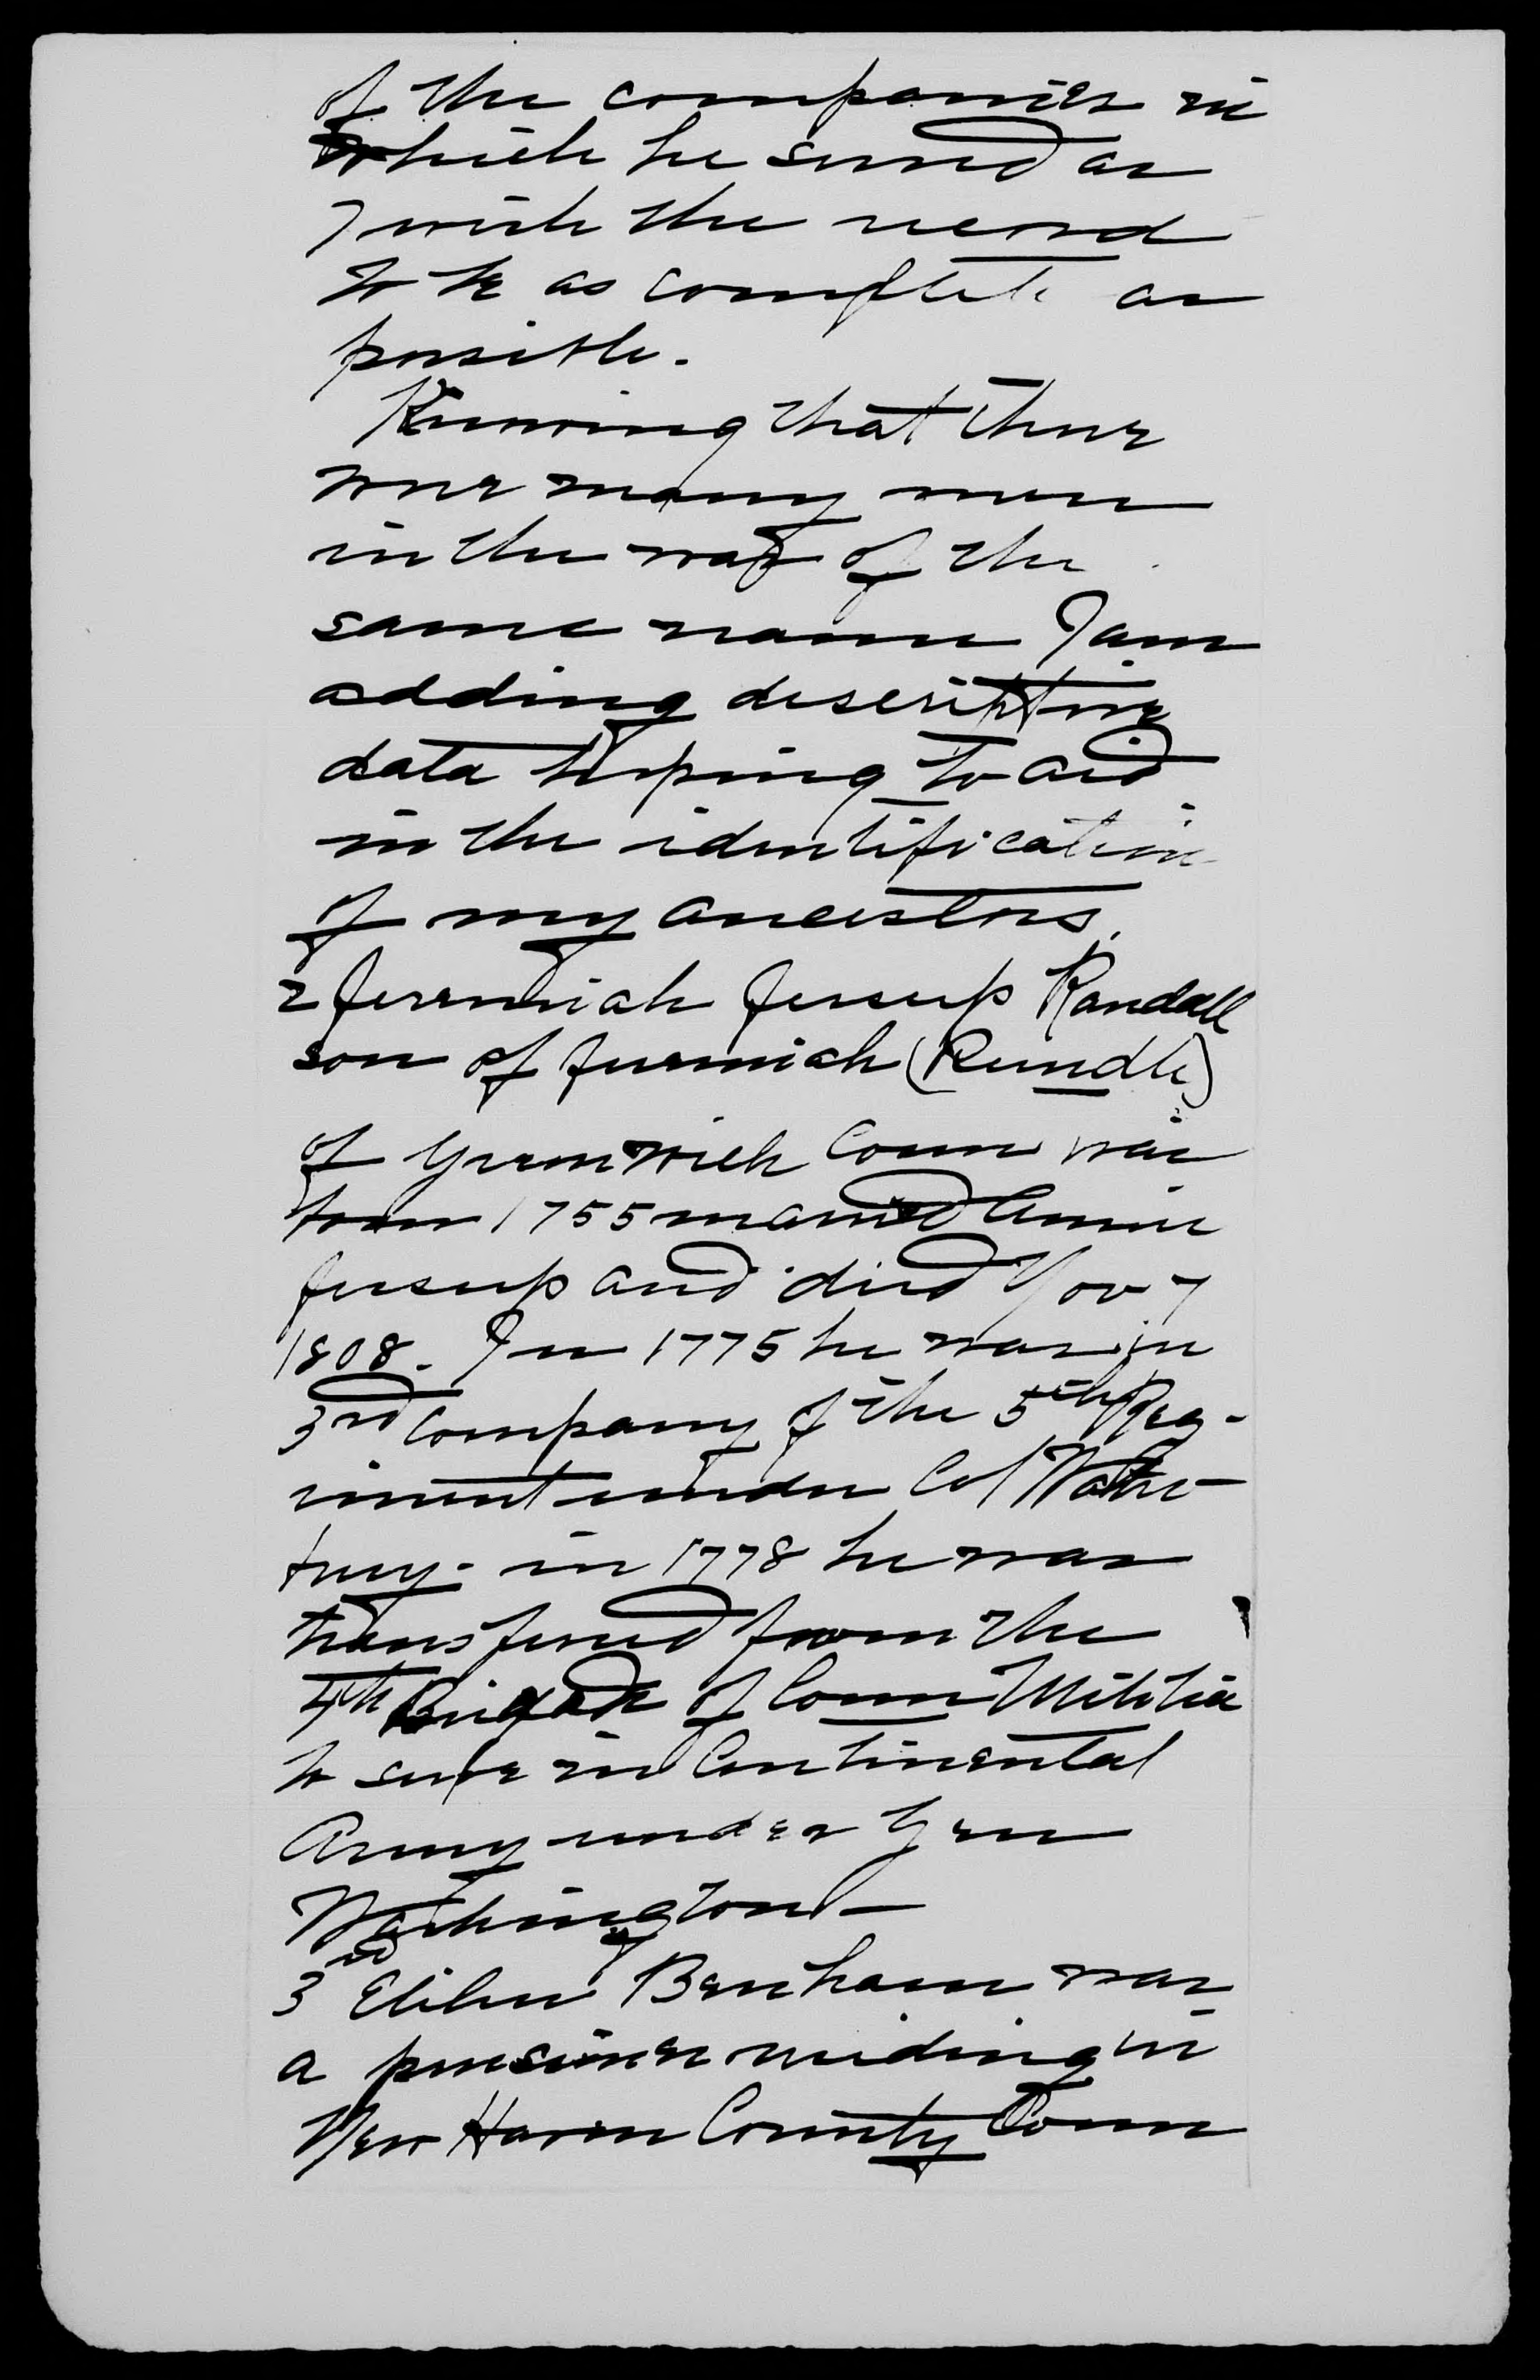of the companies in which he served as I wish the record to be as complete an possible 
Knowing that there are many men in the war of the same name I am  adding descriptive data hoping to aid in the identification of my ancestors.
 2 Jeremiah Jessup Randall son of Jeremiah Randall of Greenwich Conn was from 1755 married Annie Jessup and died Nov 7 1808. Jan 1775 he was in 3rd Company of the 5th Reg. under Col Waterbury-  in 1778 he was transferred from the 4th Brigade of Conn Militia to serve in Continental Army under Gen Washington- 
3 Elihu Benham was a pensioner residing in New Haven County Conn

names: Elihu Benham, Jeremiah Rundle, Jeremiah Jessup Randall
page: 35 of 45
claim: survivor's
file: S. 15748, Elihu Benham, Conn.